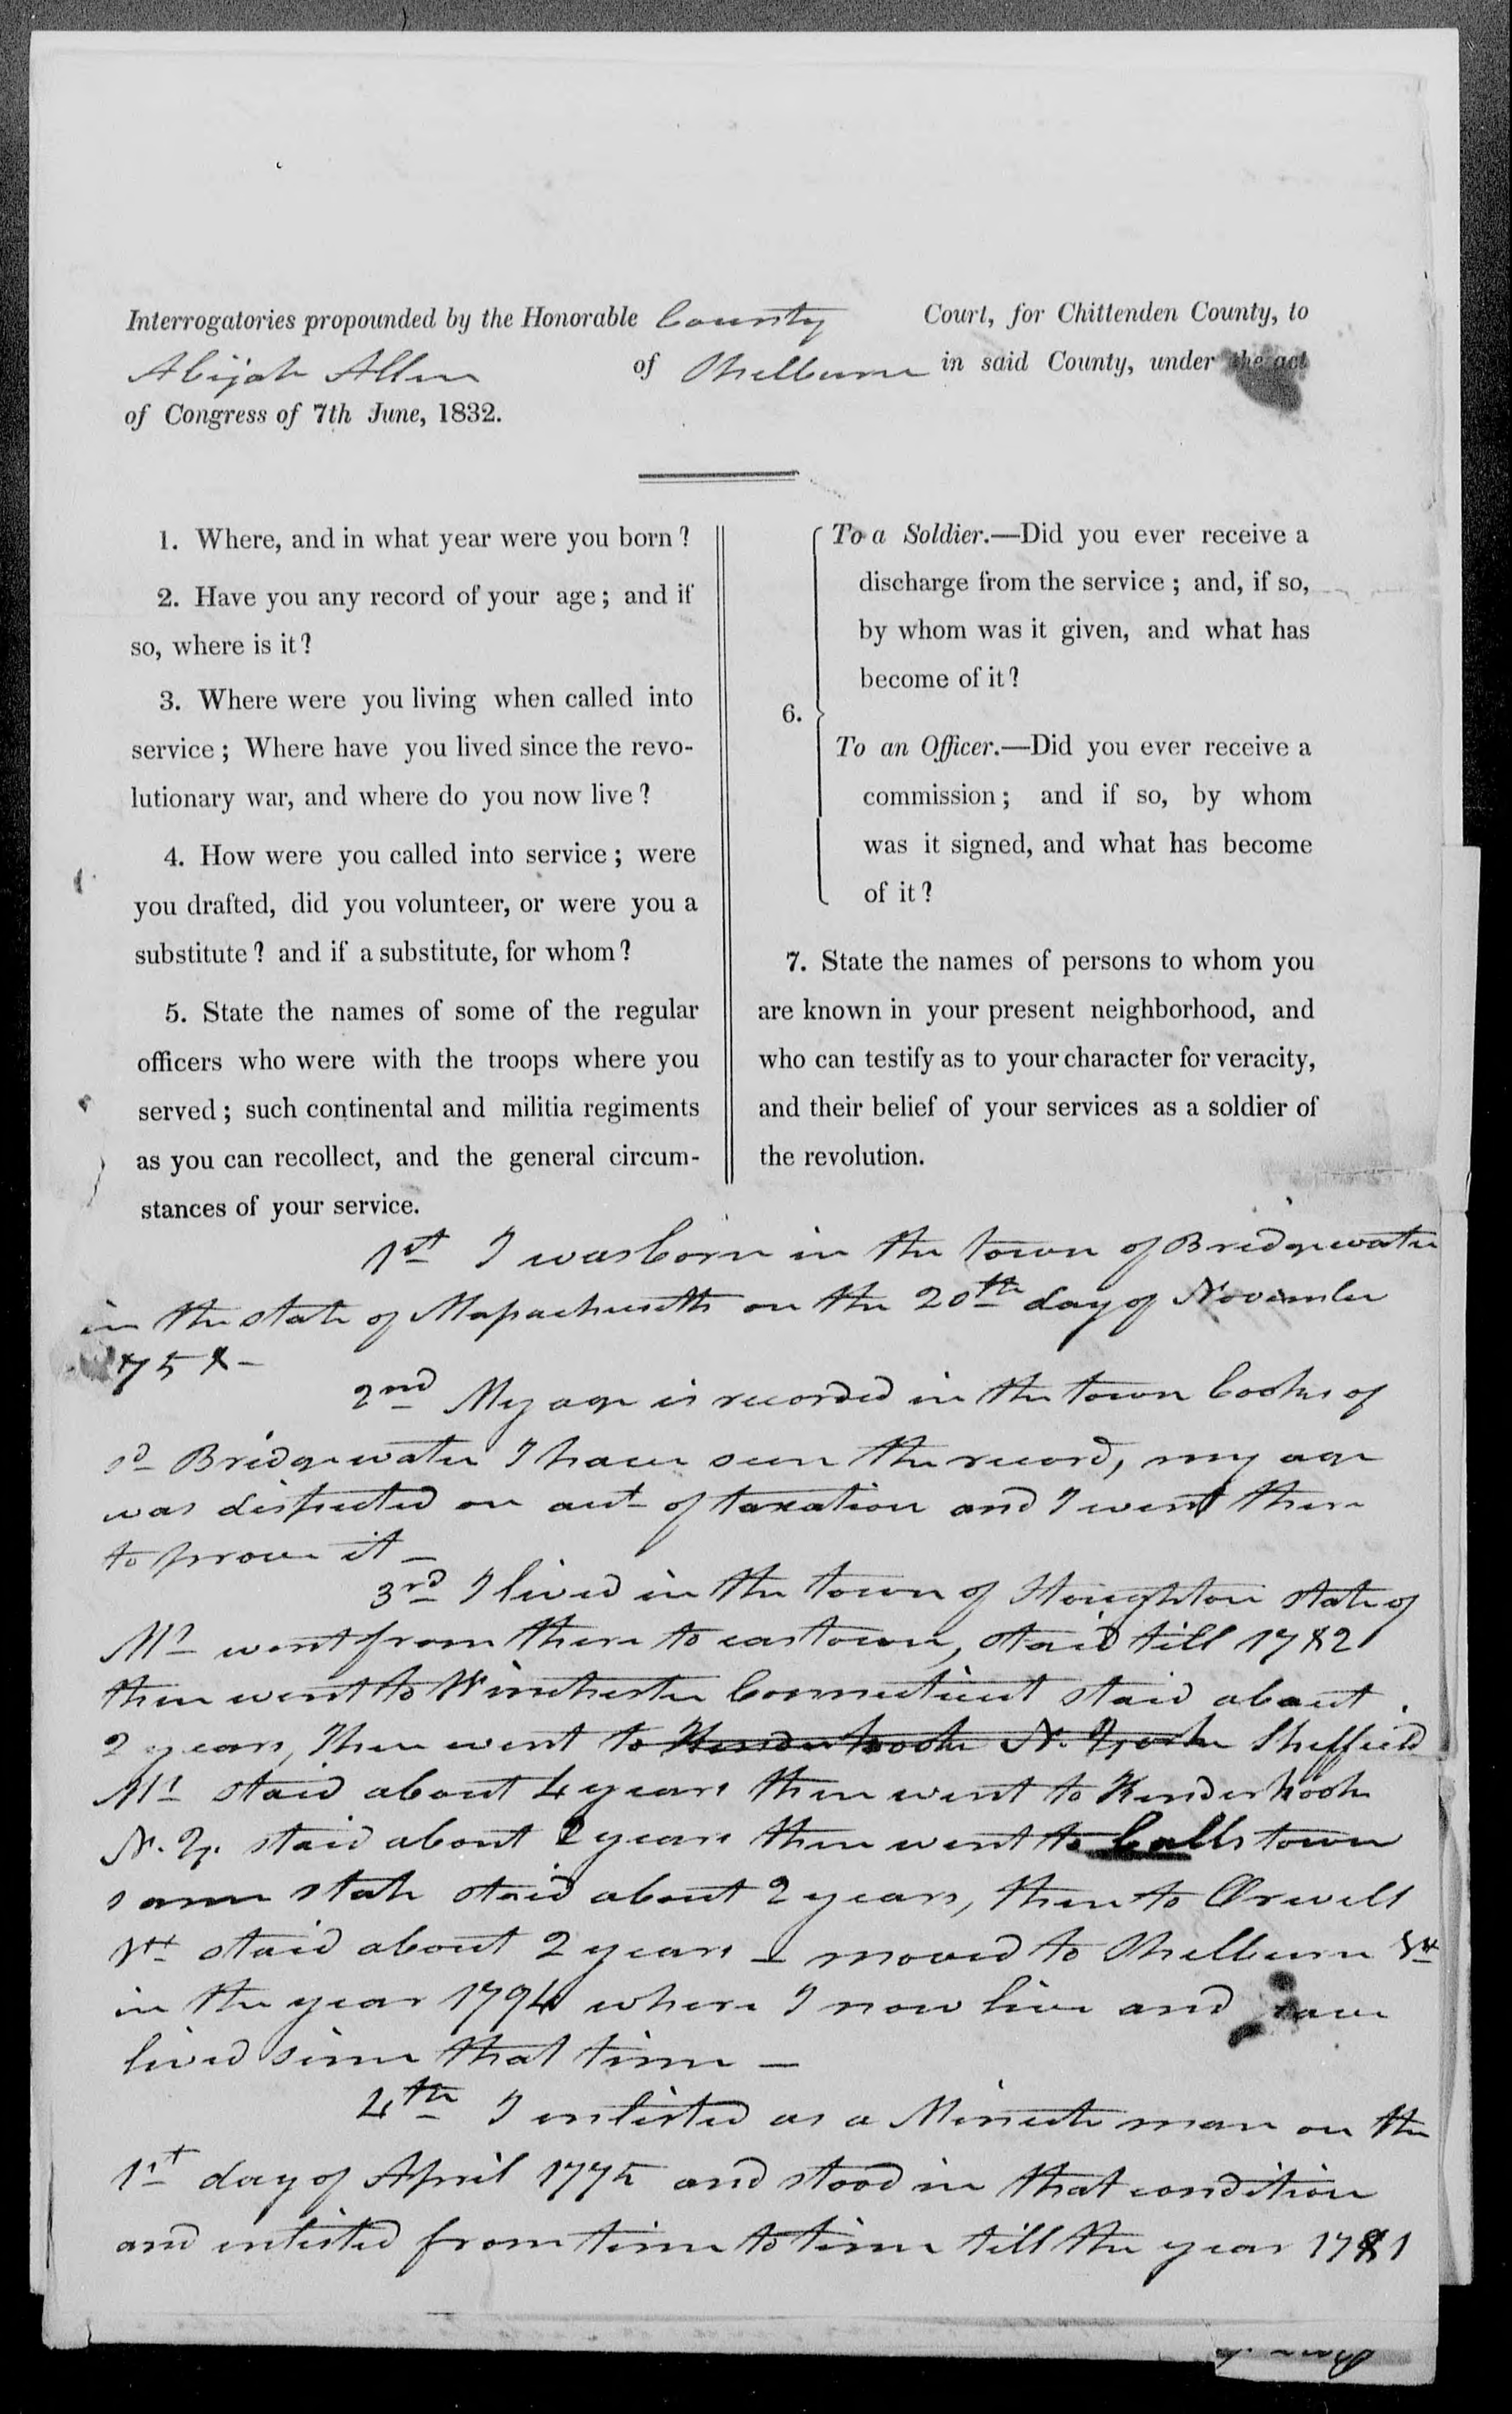Interrogatories propounded by the Honorable County Court, for Chittenden County, to Abijah Allen of Shelburn in said County, under the act of Congress of 7th June, 1832. 
1. Where, and in what year were you born?
2. Have you any record of your age; and if so, where is it?
3. Where were you living when called into service; Where have you lived since the revolutionary war, and where do you now live?
4. How were you called into service; were you drafted, did you volunteer, or were you a substitute? and if a substitute, for whom?
5. State the names of some of the regular officers who were with the troops where you served; such continental and militia regiments as you can recollect, and the general circumstances of your service. 
6. To a Soldier.-Did you ever receive a discharge from the service; and, if so, by whom was it given, and what has become of it?
To an Officer.-Did you ever receive a commission; and if so, by whom was it signed, and what has become of it?
7. State the names of persons to whom you are known in your present neighborhood, and who can testify as to your character for veracity, and their belief of your services as a soldier of the revolution. 
1st. I was born in the town of Bridgewater in the state of Massachusetts on the 20th day of November 1758. 
2nd. My age is recorded in the town books of Bridgewater I have seen the record, my age was [illegible] on out of taxation and I went there to prove it. 
3rd. I lived in the town of Stoughton state of Ms. went from there to easton, staid till 1782 then went to Winchester Connecticut staid about 2 years, then went to Sheffield Ms. staid about 4 years then went to Kinderhook N.Y. staid about 2 years then went to Callstown same state staid about 2 years, then to Orwell Vt. staid about 2 years. moved to Shelburn Vt. in the year 1794 where I now live and have lived since that time. 
4th. I enlisted as a Minuteman on the 1st day of April 1775 and stood in that condition and enlisted from time to time till the year 1781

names: Abijah Allen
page: 7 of 21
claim: survivor's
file: S. 15356, Abijah Allen, Mass.